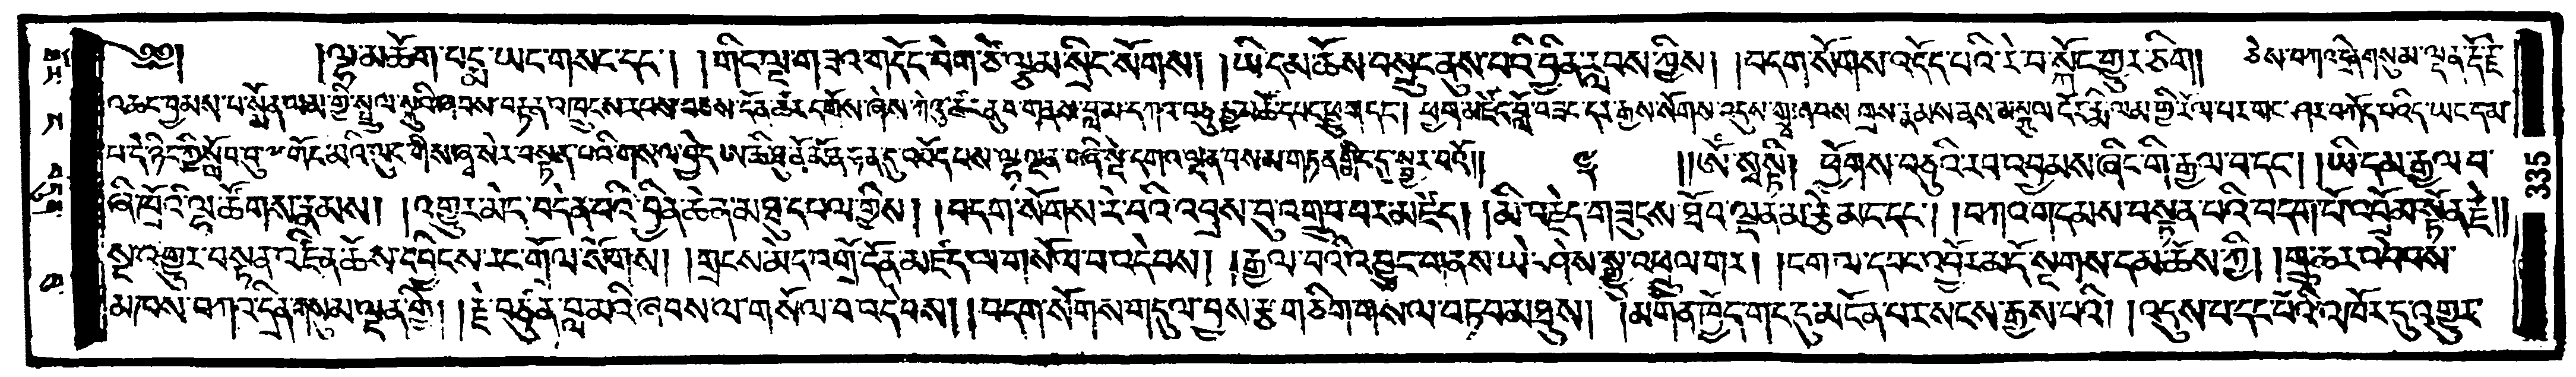༄༅། །ལྷ་མཆོག་པདམ་ཡང་གསང་དང་། །གིང་ལྔ་གཟའ་གདོང་བེག་ཙེ་ལྕམ་སྲིང་སོགས། །ཡི་དམ་ཆོས་བསྲུང་ནུས་པའི་བྱིན་རླབས་ཀྱིས། །བདག་སོགས་འདོད་པའི་རེ་བ་སྐོང་གྱུར་ཅིག །ཅེས་བཀའ་དྲིན་གསུམ་ལྡན་རྡོ་རྗེ་
འཆང་བྱམས་པ་སྨོན་ལམ་གྱི་སྤྲུལ་སྐུའི་ཞབས་བརྟན་འཁྲུངས་རབས་བཅས་དོན་ཚར་དགོས་ཞེས་ཀེའུ་ཚང་ནུབ་གནས་བླ་མ་དཀའ་བཅུ་རྒྱ་མཚོ་དབང་ཕྱུག་དང་། ཕྱག་མཛོད་བློ་བཟང་དར་རྒྱས་སོགས་འདུས་གྲྭ་ཞབས་གྲས་རྣམས་ནས་བསྐུལ་ངོར་རྨི་ལམ་གྱི་རོལ་པར་གང་ཤར་བཀོད་པ་འདི་ཡང་དམ་
པ་དེ་ཉིད་ཀྱི་སློབ་བུ ༧་གོང་མའི་ལུང་གིས་ཞྭ་སེར་བསྟན་པའི་གསལ་བྱེད་ཨ་ཆི་ཐུ་ནོ་མོན་ཧན་དུ་འབོད་པས་ལྷ་ལྡན་བཞི་སྡེ་དགའ་ལྡན་བསམ་གཏན་གླིང་དུ་སྦྱར་བའོ།། ༈ །།ཨོཾ་སྭ་སྟི། ཕྱོགས་བཅུའི་རབ་འབྱམས་ཞིང་གི་རྒྱལ་བ་དང་། །ཡི་དམ་རྒྱལ་བ་
ཞི་ཁྲོའི་ལྷ་ཚོགས་རྣམས། །འགྱུར་མེད་བདེན་པའི་བྱིན་ཆེན་མཐུ་དཔལ་གྱིས། །བདག་སོགས་རེ་བའི་འབྲས་བུ་འགྲུབ་པར་མཛེད། །མི་བརྗེད་གཟུངས་ཐོབ་ལྡན་མ་རྩེ་མང་དང་། །བཀའ་གདམས་བསྟན་པའི་བདག་པོ་འབྲོམ་སྟོན་རྗེ།།
སྔ་འགྱུར་བསྟན་འཛིན་ཆོས་དབྱིངས་རང་གྲོལ་སོགས། །གྲངས་མེད་འགྲོ་དོན་མཛད་ལ་གསོལ་བ་འདེབས། །རྒྱལ་བའི་འབྱུང་གནས་ཡེ་ཤེས་སྒྱུ་འཕྲུལ་གར། །ངག་ལ་དབང་འབྱོར་མདོ་སྔགས་དམ་ཆོས་ཀྱི། །གྲུ་ཆར་འབེབས་
མཁས་བཀའ་དྲིན་གསུམ་ལྡན་གྱི། །རྗེ་བཙུན་བླ་མའི་ཞབས་ལ་གསོལ་བ་འདེབས། །བདག་སོགས་གདུལ་བྱས་རྩ་གཅིག་གསལ་བཏབ་མཐུས། །མགོན་ཁྱོད་གང་དུ་མངོན་པར་སངས་རྒྱས་པའི། །འདུས་པ་དང་པོའི་འཁོར་དུ་འགྱུར་